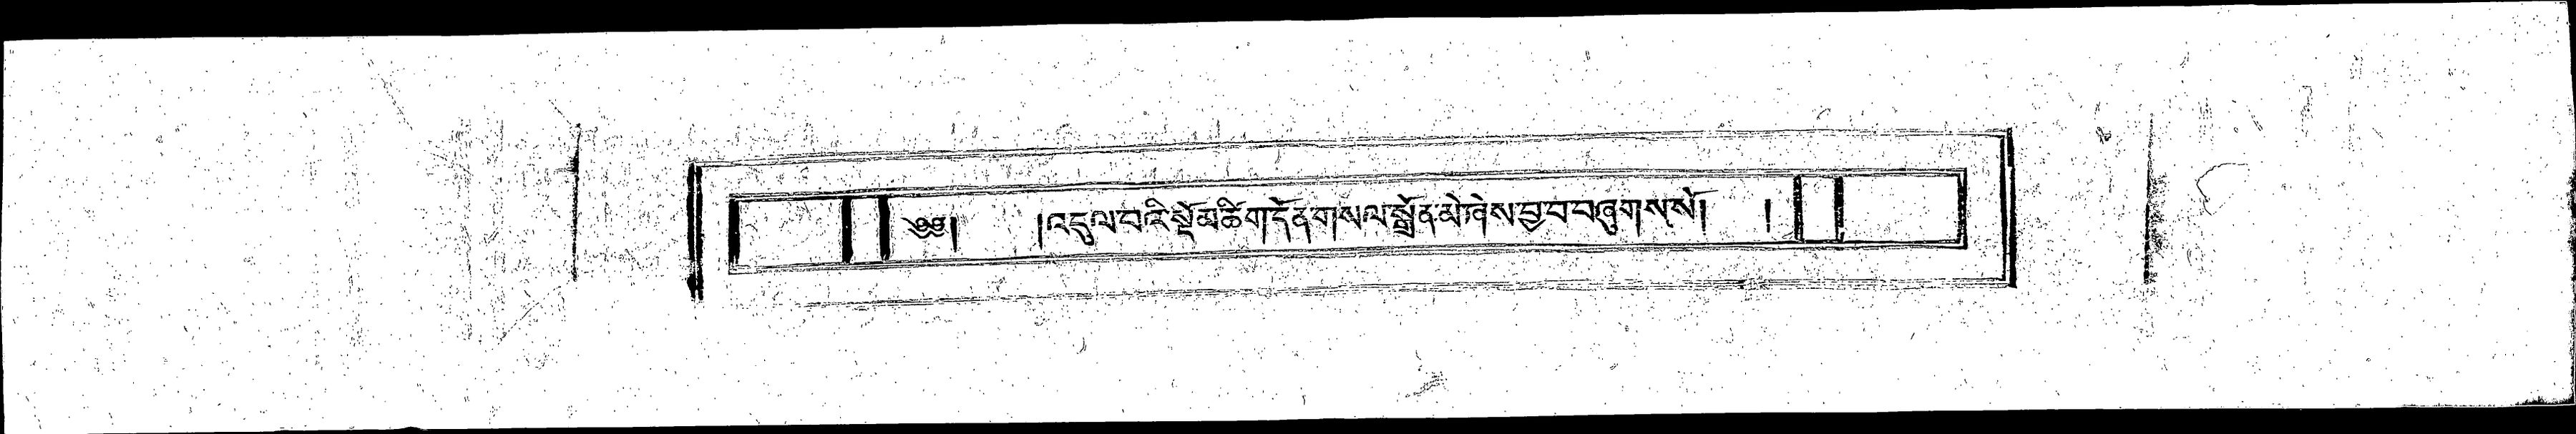༄༅། །འདུལ་བའི་སྡོམ་ཚིག་དོན་གསལ་སྒྲོན་མེ་ཞེས་བྱ་བ་བཞུགས་སོ།།